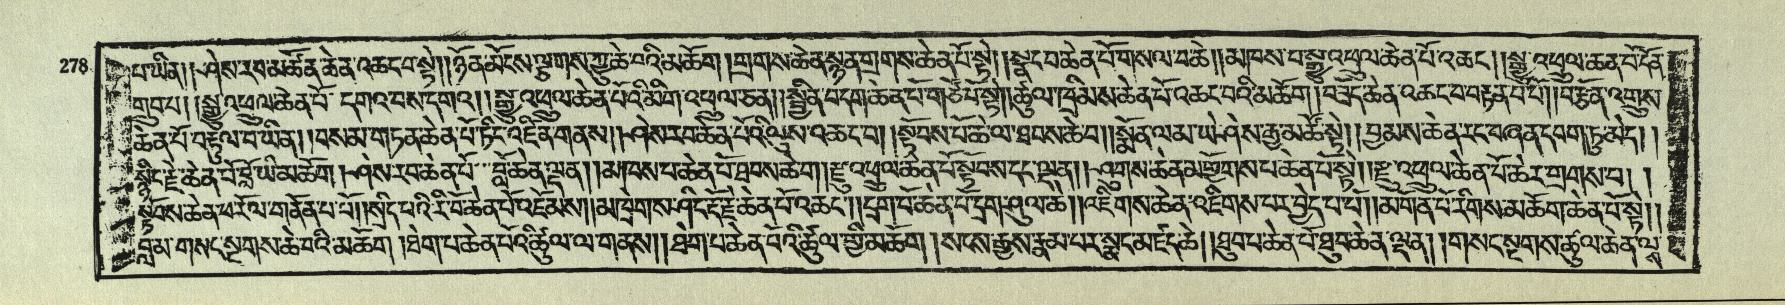པ་ཡིན། །ཤེས་རབ་མཚོན་ཆེན་འཆང་བ་སྟེ། །ཉོན་མོངས་ལྕགས་ཀྱུ་ཆེ་བའི་མཆོག། །གྲགས་ཆེན་སྙན་གྲགས་ཆེན་པོ་སྟེ། །སྣང་བ་ཆེན་པོ་གསལ་བ་ཆེ། །མཁས་པ་སྒྱུ་འཕྲུལ་ཆེན་པོ་འཆང་། །སྒྱུ་འཕྲུལ་ཆན་པོ་དོན་
གྲུབ་པ། །སྒྱུ་འཕྲུལ་ཆེན་པོ་དགའ་བས་དགའ། །སྒྱུ་འཕྲུལ་ཆེན་པོའི་མིག་འཕྲུལ་ཅན། །སྦྱིན་བདག་ཆེན་པོ་གཙོ་པོ་སྟེ། །ཚུལ་ཁྲིམས་ཆེན་པོ་འཆང་བའི་མཆོག། །བཟོད་ཆེན་འཆང་བ་བརྟན་པ་པོ། །བརྩོན་འགྲུས་
ཆེན་པོ་བརྟུལ་བ་ཡིན། །བསམ་གཏན་ཆེན་པོ་ཏིང་འཛིན་གནས། །ཤེས་རབ་ཆེན་པོའི་ལུས་འཆང་བ། །སྟོབས་པོ་ཆེ་ལ་ཐབས་ཆེ་བ། །སྨོན་ལམ་ཡེ་ཤེས་རྒྱ་མཚོ་སྟེ། །བྱམས་ཆེན་རང་བཞན་དབག་ཏུ་མེད། །
སྙིང་རྗེ་ཆེན་པོ་བློ་ཡི་མཆོག །ཤེས་རབ་ཆེན་པོ་བློ་ཆེན་ལྡན། །མཁས་པ་ཆེན་པོ་ཐབས་ཆེ་ག། །རྫུ་འཕྲུལ་ཆེན་པོ་སྟོབས་དང་ལྡན། །ཤུགས་ཆེན་མགྱོགས་པ་ཆེན་པོ་སྟེ། །རྫུ་འཕྲུལ་ཆེན་པོ་ཆེར་གྲགས་པ། །
སྟོབས་ཆེན་ཕ་རོལ་གནོན་པ་པོ། །སྲིད་པའི་རི་བོ་ཆེན་པོ་འཇོམས། །མཁྲེགས་ཤིང་རྡོ་རྗེ་ཆེན་པོ་འཆང་། །དྲག་པོ་ཆེན་པོ་དྲག་ཤུལ་ཆེ། །འཇིགས་ཆེན་འཇིགས་པར་བྱེད་པ་པོ། །མགོན་པོ་རིགས་མཆོག་ཆེན་པོ་སྟེ། །
བླ་མ་གསང་སྔགས་ཆེ་བའི་མཆོག། །ཐེག་པ་ཆེན་པོའི་ཚུལ་ལ་གནས། །ཐེག་པ་ཆེན་པོའི་ཚུལ་གྱི་མཆོག །སངས་རྒྱས་རྣམ་པར་སྣང་མཛད་ཆེ། །ཐུབ་པ་ཆེན་པོ་ཐུབ་ཆེན་ལྡན། །གསང་སྔགས་ཚུལ་ཆེན་ལས་